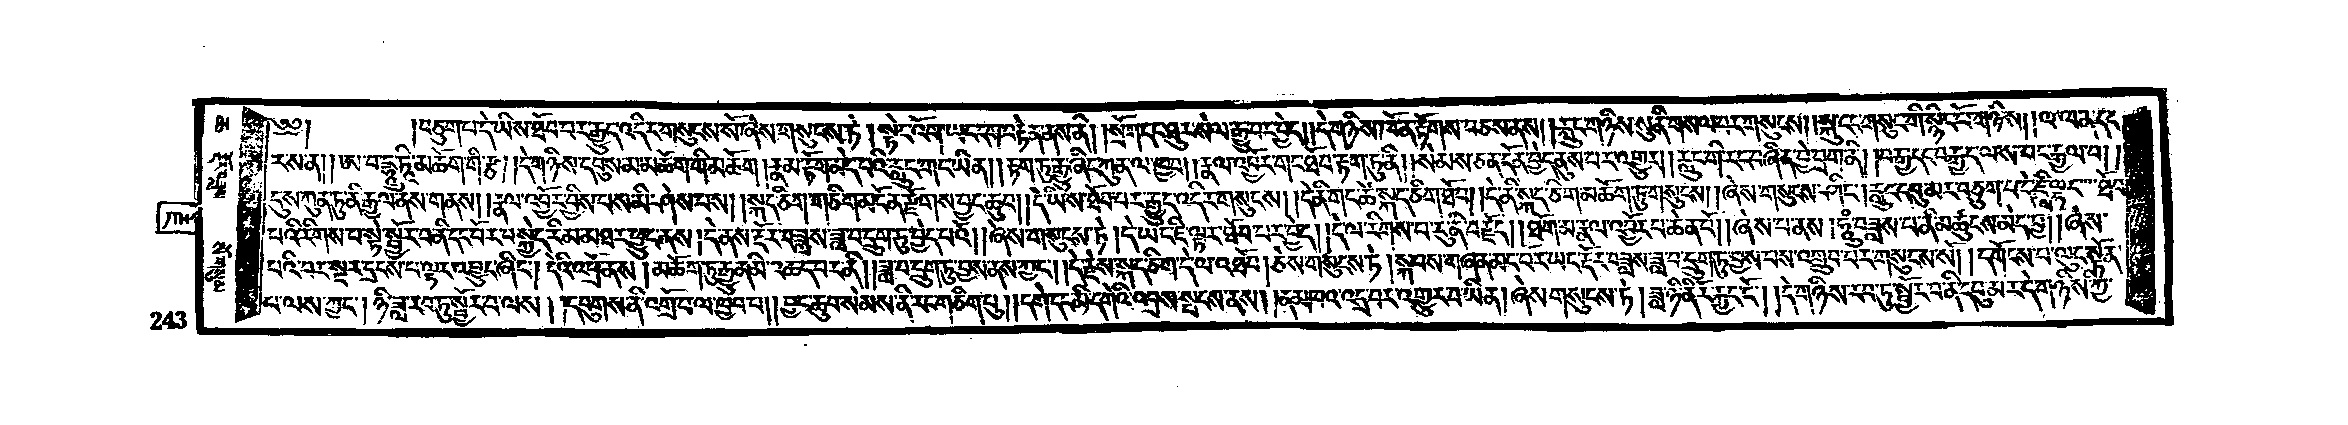༄༅། །བཅུག་པ་དེ་ཡིས་ཐོབ་པར་རྒྱུད་འདིར་གསུངས་སོ་ཞེས་གསུངས་ཏེ། སྟེང་འོག་ཡང་དག་བརྟེན་ནས་ནི། །སྲོག་དང་ཐུར་སེལ་རྒྱུ་བར་བྱེད། །དེ་གཉིས་ཁོ་ན་རྟོགས་བཅས་ནས། །རླུང་གཉིས་སུ་ནི་གསལ་བར་གསུངས། །སྐུ་དང་གསུང་གི་སྙིང་པོ་གཉིས། །ལ་ལ་ན་དང་
ར་ས་ན། །ཨ་བ་དྷཱུ་ཏཱི་མཆོག་གི་རྩ། །དེ་གཉིས་དབུས་མ་མཆོག་གི་མཆོག །རྣམ་རྟོག་མེད་པའི་རླུང་གང་ཡིན། །རྟག་ཏུ་རྒྱུ་ཞིང་ཀུན་ལ་ཁྱབ། །རྣལ་འབྱོར་གང་ཐོབ་རྟག་ཏུ་ནི། །སེམས་ཅན་དོན་བྱེད་ནུས་པར་འགྱུར། །རླུང་གི་རང་བཞིན་བྱེ་བྲག་ནི། །བརྒྱ་དང་བརྒྱད་ལས་གང་རྒྱལ་བ།།
དུས་ཀུན་ཏུ་ནི་རྒྱལ་ནས་གནས། །རྣལ་འབྱོར་བྱིས་པས་མི་ཤེས་པས། །སྐད་ཅིག་གཅིག་མངོན་རྫོགས་བྱང་ཆུབ། །དེ་ཡིས་ཐོབ་པར་རྒྱུད་འདིར་གསུངས། །དེ་ནི་གང་ཚེ་སྐད་ཅིག་ཐོབ། །དེ་ནི་སྐད་ཅིག་མཆོག་ཏུ་གསུངས། །ཞེས་གསུངས་ཤིང་། རླུང་དབུ་མར་བཅུག་པ་དེ་ལ་ཇི་ལྟར་ཐོབ་
པའི་རིགས་པ་སྟེ་སྦྱོར་བ་ནི་དང་པོར་བསྐྱེད་རིམ་མཐར་ཕྱུང་ནས། དེ་ནས་རྡོར་བཟླས་ཟླ་བ་དྲུག་ཏུ་བྱེད་པའོ། །ཞེས་གསུངས་ཏེ། དེ་ཡང་ཇི་ལྟར་ཐོབ་པར་བྱེད། །དེ་ལ་རིགས་པ་རུ་ནི་བརྗོད། །ཐོག་མ་རྣལ་འབྱོར་པ་ཆེན་པོ། །ཞེས་པ་ནས། ཧཱུཾ་བཟླས་པ་ནི་མཚུངས་མེད་བྱ། །ཞེས་
པའི་བར་སྔར་དྲངས་པ་ལྟར་འབྱུང་ཞིང་། དེའི་འཕྲོ་ནས། མཆོག་ཏུ་རྒྱུན་མི་འཆད་པར་ནི། །ཟླ་བ་དྲུག་ཏུ་བྱས་ནས་ཀྱང་། །དེ་རྗེས་སྐད་ཅིག་དེ་ལ་འཐོབ། ཅེས་གསུངས་ཏེ། སྐབས་གཞན་མང་པོར་ཡང་རྡོར་བཟླས་ཟླ་བ་དྲུག་ཏུ་བྱས་པས་འགྲུབ་པར་གསུངས་སོ། །དགོངས་པ་ལུང་སྟོན་
པ་ལས་ཀྱང་། ཉི་ཟླ་རབ་ཏུ་སྦྱོར་བ་ལས། །དབུགས་ནི་འགྲོ་བ་ལ་ཁྱབ་པ། །བྱང་ཆུབ་སེམས་ནི་རང་གཅིག་པུ། །དགེ་དང་མི་དགེའི་འབྲས་སྤངས་ནས། །ནམ་མཁའ་འདྲ་བར་འགྱུར་བ་ཡིན། ཞེས་གསུངས་ཏེ། ཟླ་ཉི་ནི་རོ་རྐྱང་ངོ། །དེ་གཉིས་རབ་ཏུ་སྦྱོར་བ་ནི་དབུ་མར་དེ་གཉིས་ཀྱི་